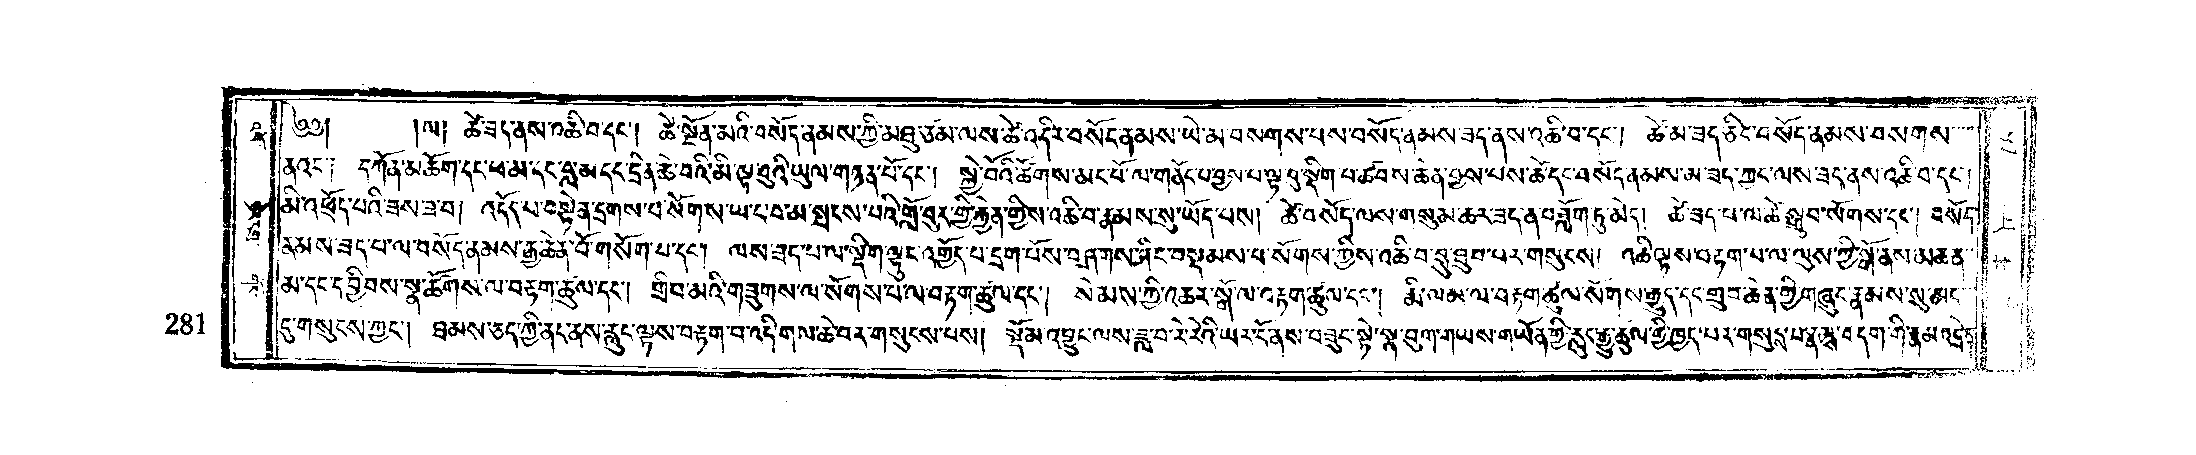༄༅། །ལ། ཚེ་ཟད་ནས་འཆི་བ་དང་། ཚེ་སྔོན་མའི་བསོད་ནམས་ཀྱི་མཐུ་ཙམ་ལས་ཚེ་འདིར་བསོད་ནམས་ཡེ་མ་བསགས་པས་བསོད་ནམས་ཟད་ནས་འཆི་བ་དང་། ཚེ་མ་ཟད་ཅིང་བསོད་ནམས་བསགས་
ནའང་། དཀོན་མཆོག་དང་ཕ་མ་དང་བླ་མ་དང་དྲིན་ཆེ་བའི་མི་ལྟ་བུའི་ཡུལ་གཉན་པོ་དང་། སྐྱེ་བོའི་ཚོགས་མང་པོ་ལ་གནོད་པ་བྱས་པ་ལྟ་བུ་སྡིག་པ་ཚབས་ཆེན་བྱས་པས་ཚེ་དང་བསོད་ནམས་མ་ཟད་ཀྱང་ལས་ཟད་ནས་འཆི་བ་དང་།
མི་འཕྲོད་པའི་ཟས་ཟ་བ། འདོད་པ་བསྟེན་དྲགས་པ་སོགས་ཡ་ང་བ་མ་སྤངས་པའི་གློ་བུར་གྱི་རྐྱེན་གྱིས་འཆི་བ་རྣམས་སུ་ཡོད་པས། ཚེ་བསོད་ལས་གསུམ་ཆར་ཟད་ན་བཟློག་ཏུ་མེད། ཚེ་ཟད་པ་ལ་ཚེ་སྒྲུབ་སོགས་དང་། བསོད་
ནམས་ཟད་པ་ལ་བསོད་ནམས་རྒྱ་ཆེན་པོ་གསོག་པ་དང་། ལས་ཟད་པ་ལ་སྡིག་ལྟུང་འགྱོད་པ་དྲག་པོས་བཤགས་ཤིང་བསྡམས་པ་སོགས་ཀྱིས་འཆི་བ་བླུ་ཐུབ་པར་གསུངས། འཆི་ལྟས་བརྟག་པ་ལ་ལུས་ཀྱི་སྒོ་ནས་མཚན་
མ་དང་དབྱིབས་སྣ་ཚོགས་ལ་བརྟག་ཚུལ་དང་། གྲིབ་མའི་གཟུགས་ལ་སོགས་པ་ལ་བརྟག་ཚུལ་དང་། སེམས་ཀྱི་འཆར་སྒོ་ལ་བརྟག་ཚུལ་དང་། རྨི་ལམ་ལ་བརྟག་ཚུལ་སོགས་རྒྱུད་དང་གྲུབ་ཆེན་གྱི་གཞུང་རྣམས་སུ་མང་
དུ་གསུངས་ཀྱང་། ཐམས་ཅད་ཀྱི་ནང་ནས་རླུང་ལྟས་བརྟག་པ་འདི་གལ་ཆེ་བར་གསུངས་པས། སྡོམ་འབྱུང་ལས་ཟླ་བ་རེ་རེའི་ཡར་ངོ་ནས་བཟུང་སྟེ་སྣ་བུག་གཡས་གཡོན་གྱི་རླུང་རྒྱུ་ཚུལ་གྱི་ཁྱད་པར་གསུངས་པ་རྣམས་བདག་གི་རྣམ་འདྲེན་